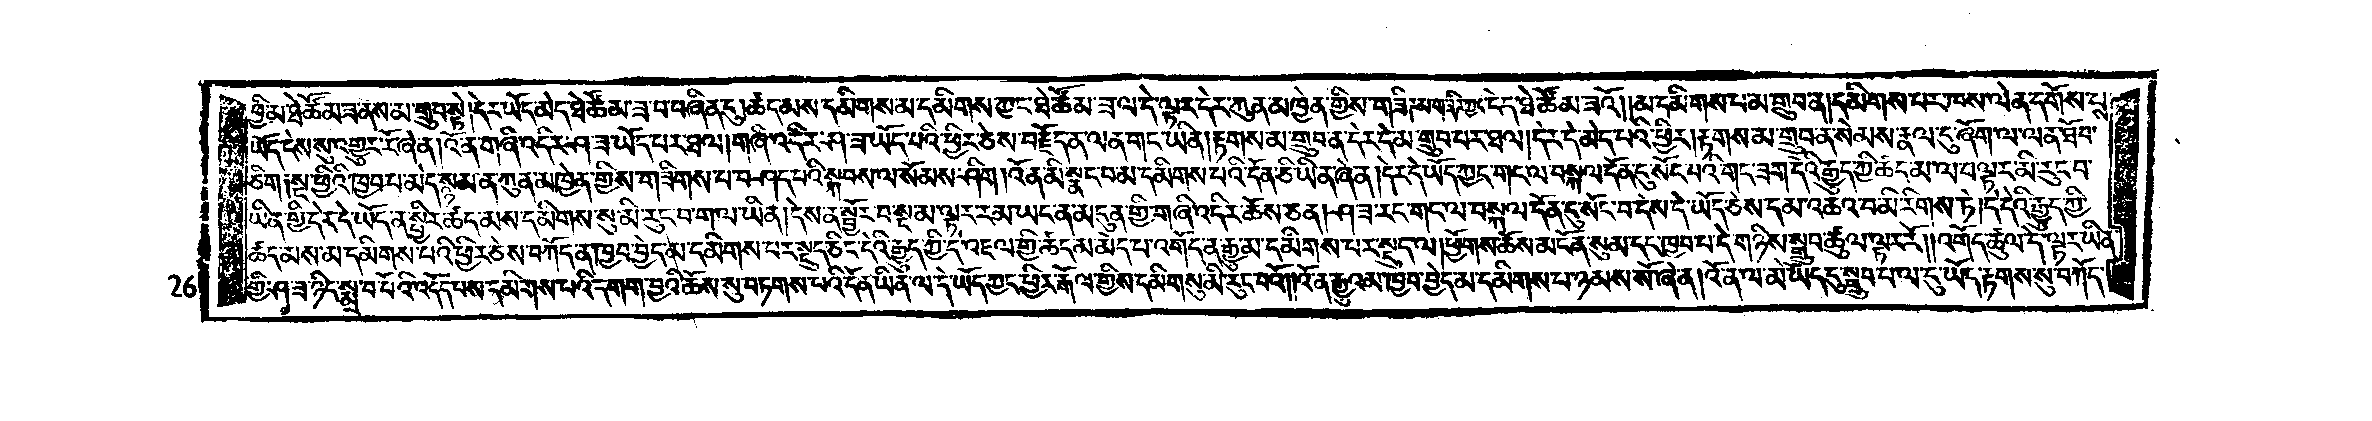ཕྱི་མ་ཐེ་ཚོམ་ཟ་ནས་མ་གྲུབ་སྟེ། དེར་ཡོད་མེད་ཐེ་ཚོམ་ཟ་བ་བཞིན་དུ། ཚད་མས་དམིགས་མ་དམིགས་ཀྱང་ཐེ་ཚོམ་ཟ་ལ་དེ་ལྟར་དེར་ཀུན་མཁྱེན་གྱིས་གཟིཌ་?་མ་གཟིཌ་?་ཀྱང་ངེད་ཐེ་ཚོམ་ཟའོ། །མ་དམིགས་པ་མ་གྲུབ་ན། དམིགས་པར་ཁས་ལེན་དགོས་པས་
ཡོད་ངེས་སུ་འགྱུར་རོ་ཞེ་ན། འོ་ན་གཞི་འདིར་ཤ་ཟ་ཡོད་པར་ཐལ། གཞི་འདིར་ཤ་ཟ་ཡོད་པའི་ཕྱིར་ཅེས་བརྗོད་ན་ལན་གང་ཡིན། རྟགས་མ་གྲུབ་ན་དེར་དེ་མ་གྲུབ་པར་ཐལ། དེར་དེ་མེད་པའི་ཕྱིར། རྟགས་མ་གྲུབ་ན་སེམས་རྣལ་དུ་ཞོག་ལ་ལན་ཐོབ་
ཅིག ༑སྔ་ཕྱིའི་ཁྱབ་པ་མེད་སྙམ་ན་ཀུན་མཁྱེན་གྱིས་གཟིགས་པ་བཤད་པའི་སྐབས་ལ་སོམས་ཤིག །འོ་ན་མི་སྣང་བ་མ་དམིགས་པའི་དོན་ཅི་ཡིན་ཞེ་ན། དེར་དེ་ཡོད་ཀྱང་གང་ལ་བསྐལ་དོན་དུ་སོང་བའི་གང་ཟག་དེའི་རྒྱུད་ཀྱི་ཚད་མ་ལ་བལྟར་མི་རུང་བ་
ཡིན་གྱི་དེར་དེ་ཡོད་ན་སྤྱིར་ཚད་མས་དམིགས་སུ་མི་རུང་བ་ག་ལ་ཡིན། དེས་ན་སྦྱོར་བ་སྔ་མ་ལྟར་རམ་ཡང་ན་མདུན་གྱི་གཞི་འདིར་ཆོས་ཅན། ཤ་ཟ་རང་གང་ལ་བསྐལ་དོན་དུ་སོང་བ་དེས་དེ་ཡོད་ཅེས་དམ་འཆའ་བ་མི་རིགས་ཏེ། དེ་དེའི་རྒྱུད་ཀྱི་
ཚད་མས་མ་དམིགས་པའི་ཕྱིར་ཅེས་བཀོད་ན་ཁྱབ་བྱེད་མ་དམིགས་པར་སྡུད་ཅིང་དེའི་རྒྱུད་ཀྱི་དེ་འཇལ་གྱི་ཚད་མ་མེད་པ་འགོད་ན་རྒྱུ་མ་དམིགས་པར་སྡུད་ལ། ཕྱོགས་ཆོས་མངོན་སུམ་དང་ཁྱབ་པ་དེ་གཉིས་སྒྲུབ་ཚུལ་ལྟར་རོ། །འགོད་ཚུལ་དེ་ལྟར་ཡིན་
གྱི་ཤ་ཟ་ཉིད་སྨྲ་བ་པོའི་འདོད་པས་དམིགས་པའི་དགག་བྱའི་ཆོས་སུ་བཏགས་པའི་དོན་ཡིན་ལ་དེ་ཡོད་ཀྱང་ཕྱིར་རྒོལ་གྱིས་དམིགས་སུ་མི་རུང་བའོ། །འོ་ན་རྒྱུའམ་ཁྱབ་བྱེད་མ་དམིགས་པ་ཉམས་སོ་ཞེ་ན། འོ་ན་ལ་མེ་ཡོད་དུ་སྒྲུབ་པ་ལ་དུ་ཡོད་རྟགས་སུ་བཀོད་